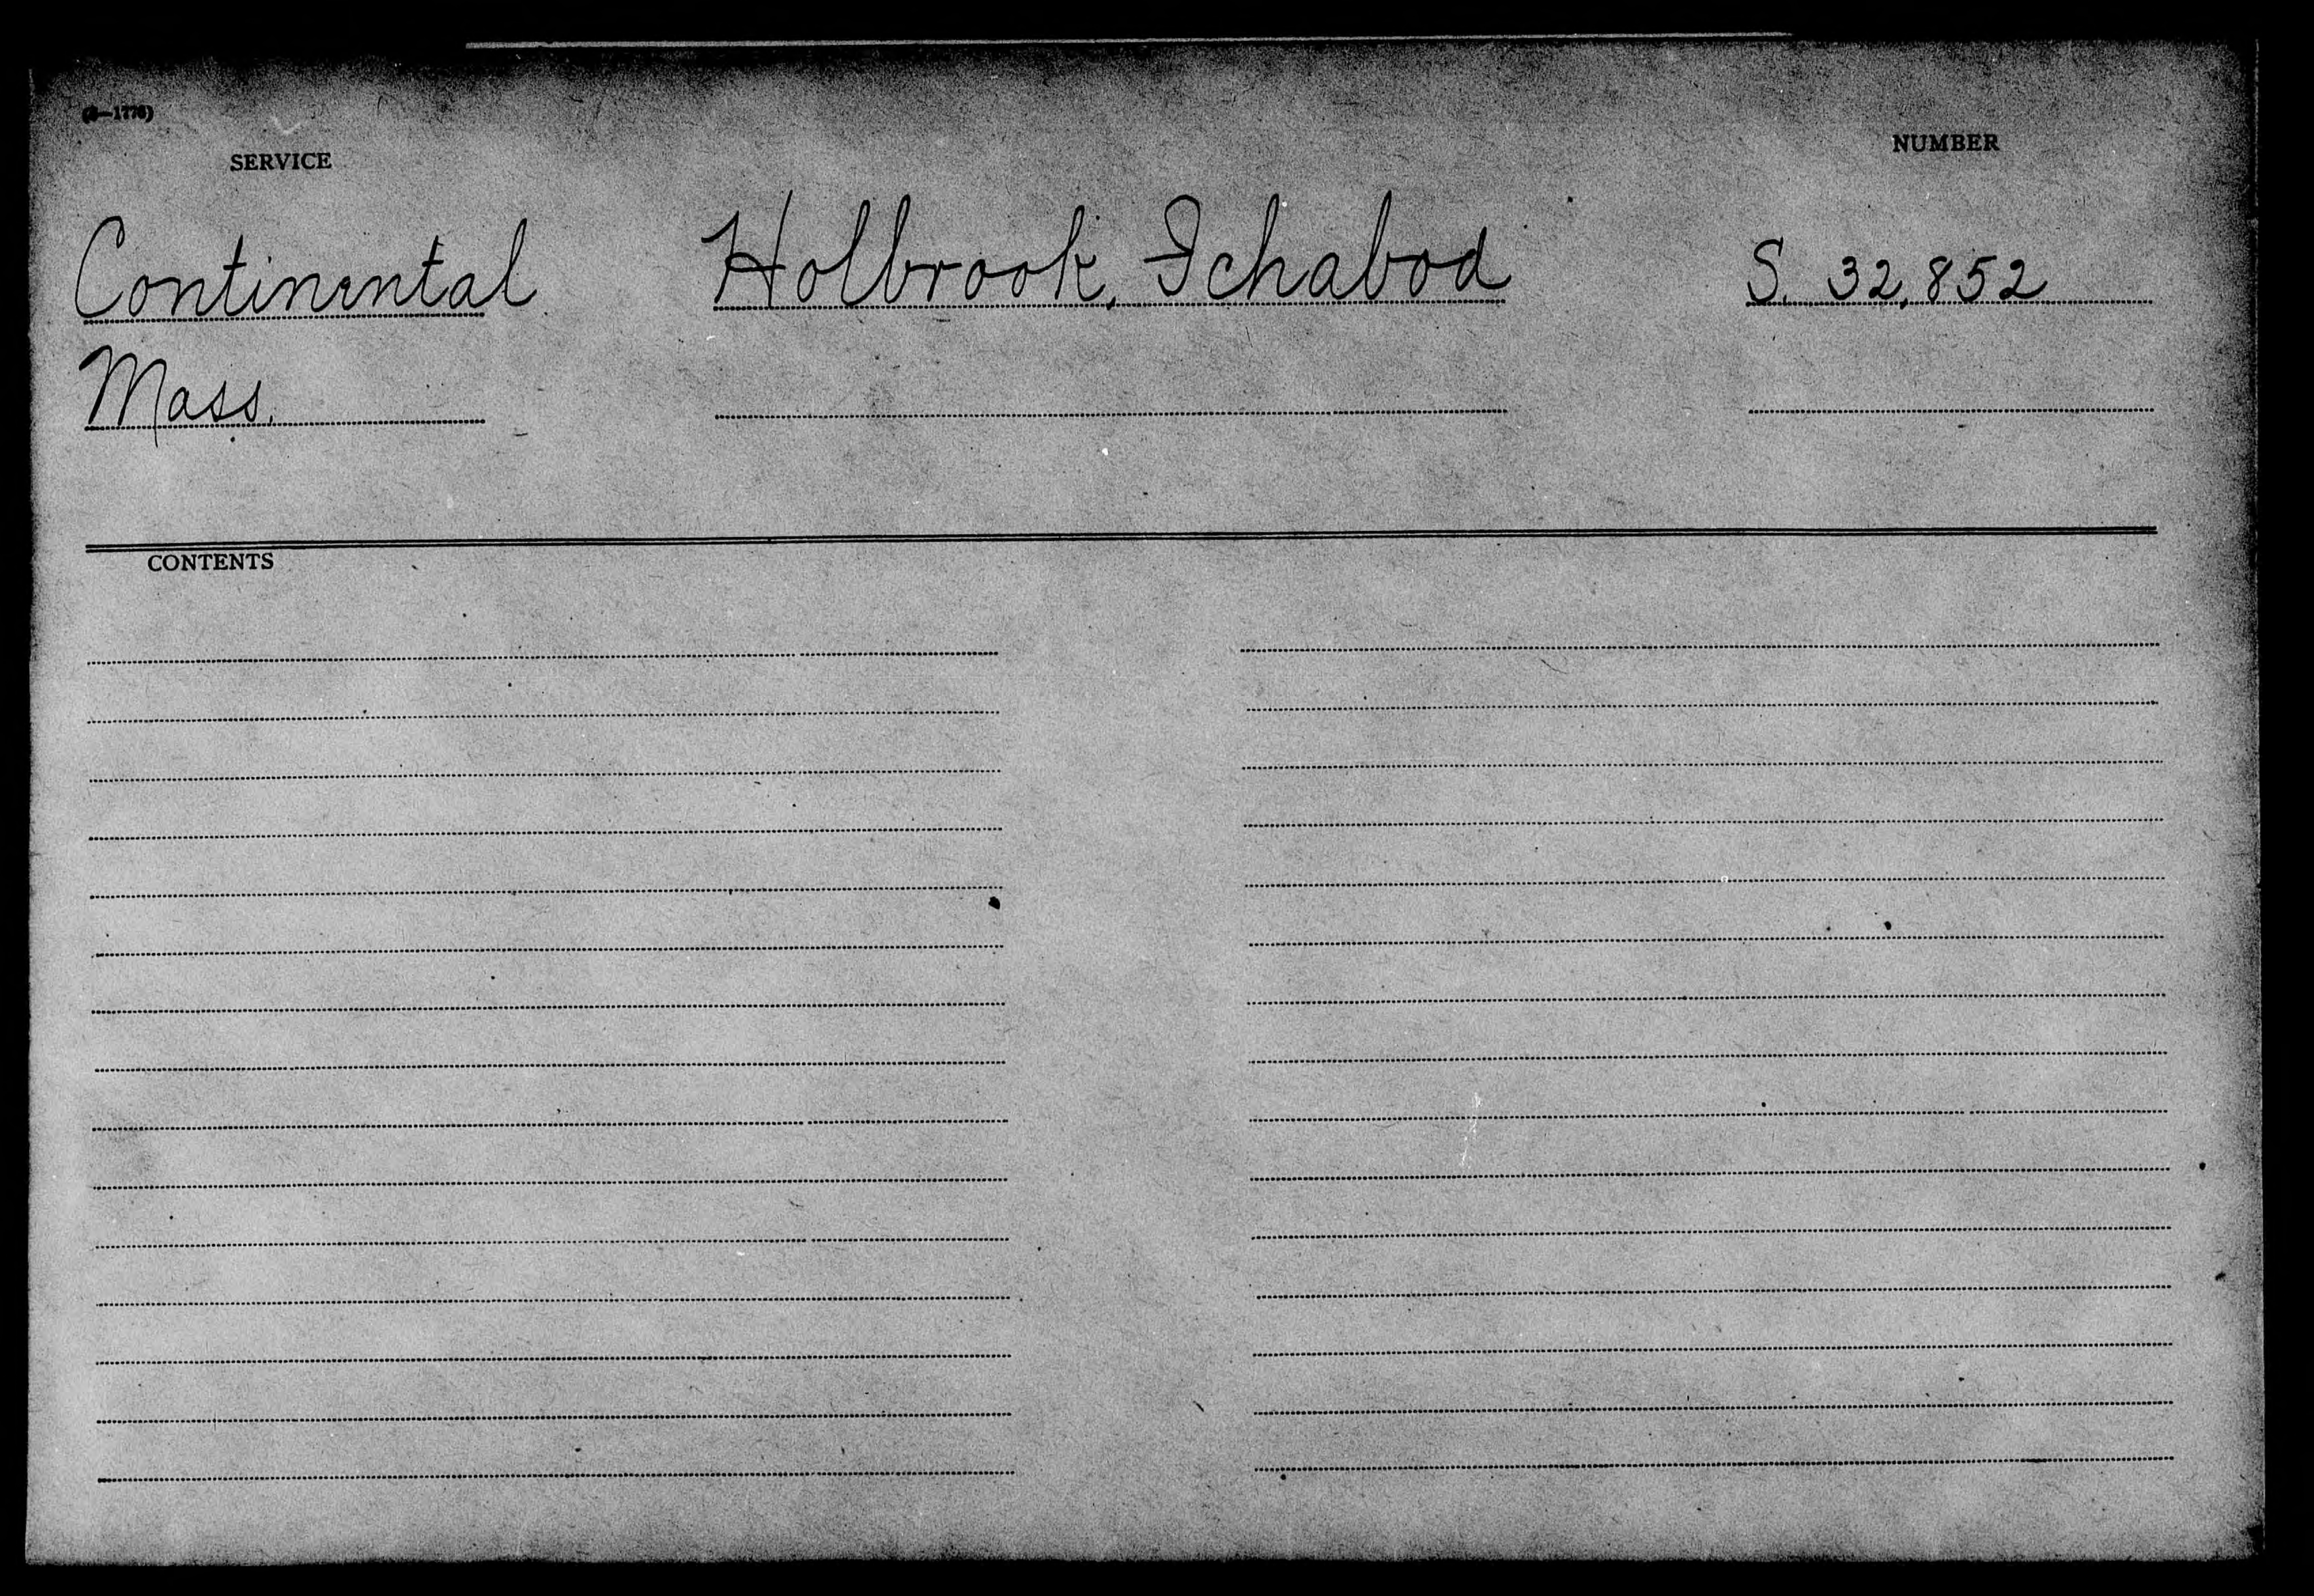Service
Continental 
Mass

Holbrook, Ichabod

Number 32852

CONTENTS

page: 1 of 15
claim: survivor's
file: S. 32,852, Ichabod Holbrook, Continental Mass.